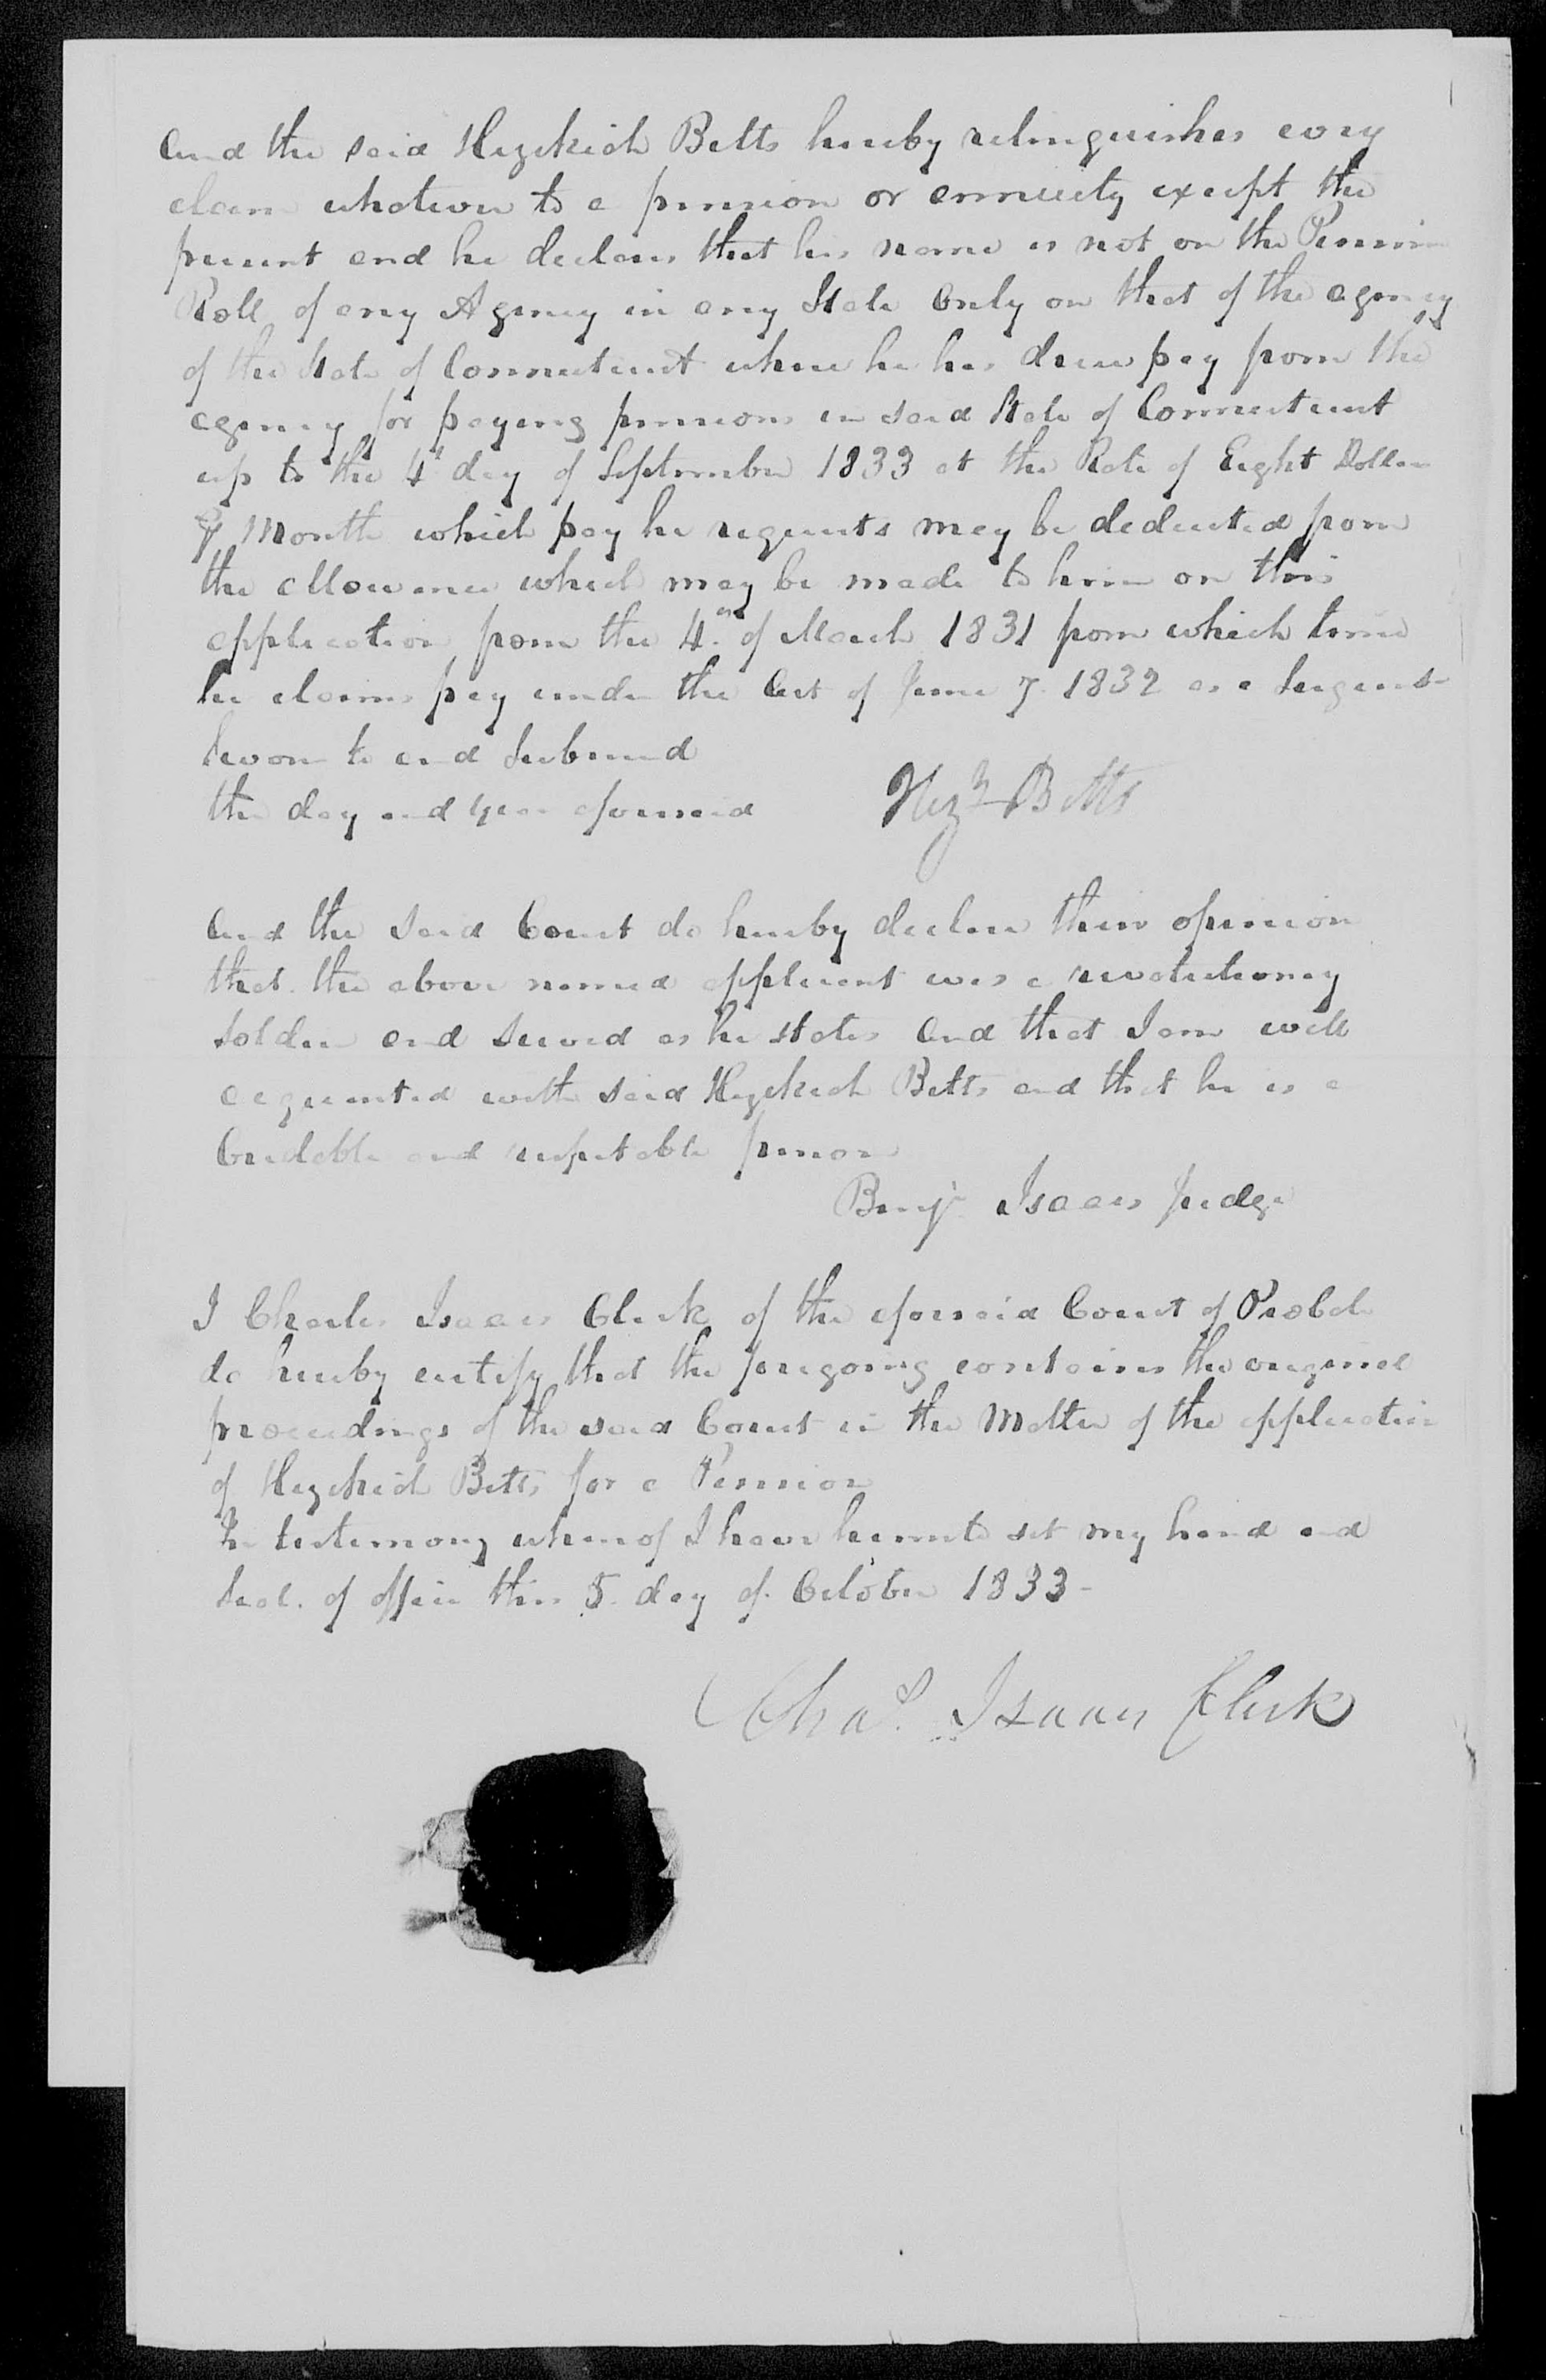and the said Hezekiah Betts hereby relinquishes every claim whatever to a pension or annuity except the present and he declares that his name is not on the Pension Roll of any Agency in any Stat only on that of the Agency of the Stat of Connecticut where he has drawn pay from the agency for payers pension in said State of Connecticut up to the 4th day of September 183 at the Rate of Eight Dollars a month which pay he reuests may be deducted from the allowance which may be made to him on this application  from the 4th of March 1831 from which time he claims pay under the Act of June 7, 1832 as a Sergeant. 

Hezh Bettes

Sworn to and Subscribed the day and year aforesaid

and the said Court do hereby declare their opinion that the above named applicant was a Revolutionary Soldier and served as he states and that I am well acquainted with said  Hezekiah Betts and that he is a credible and reputable persons. 
Benj. Isaacs Judge

I Charles Isaac Clerk of the aforesaid Court of Probate do hereby certify the foregoing contains the organized proceedings of the said Court in the matter of the application of Hezekiah Betts for a Pension, 
for testimony when I have hereunto set my hand and Seal of Office this 5 day of October 1833.

Chas Isaac, Clerk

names: Chas Isaacs, Benje Isaacs, Hezekiah Betts, Hezekiah Betts, Hezh Betts, Charles Isaacs, Hezekiah Betts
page: 10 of 61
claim: widow's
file: W. 29,929, Hezekiah Betts, Conn.